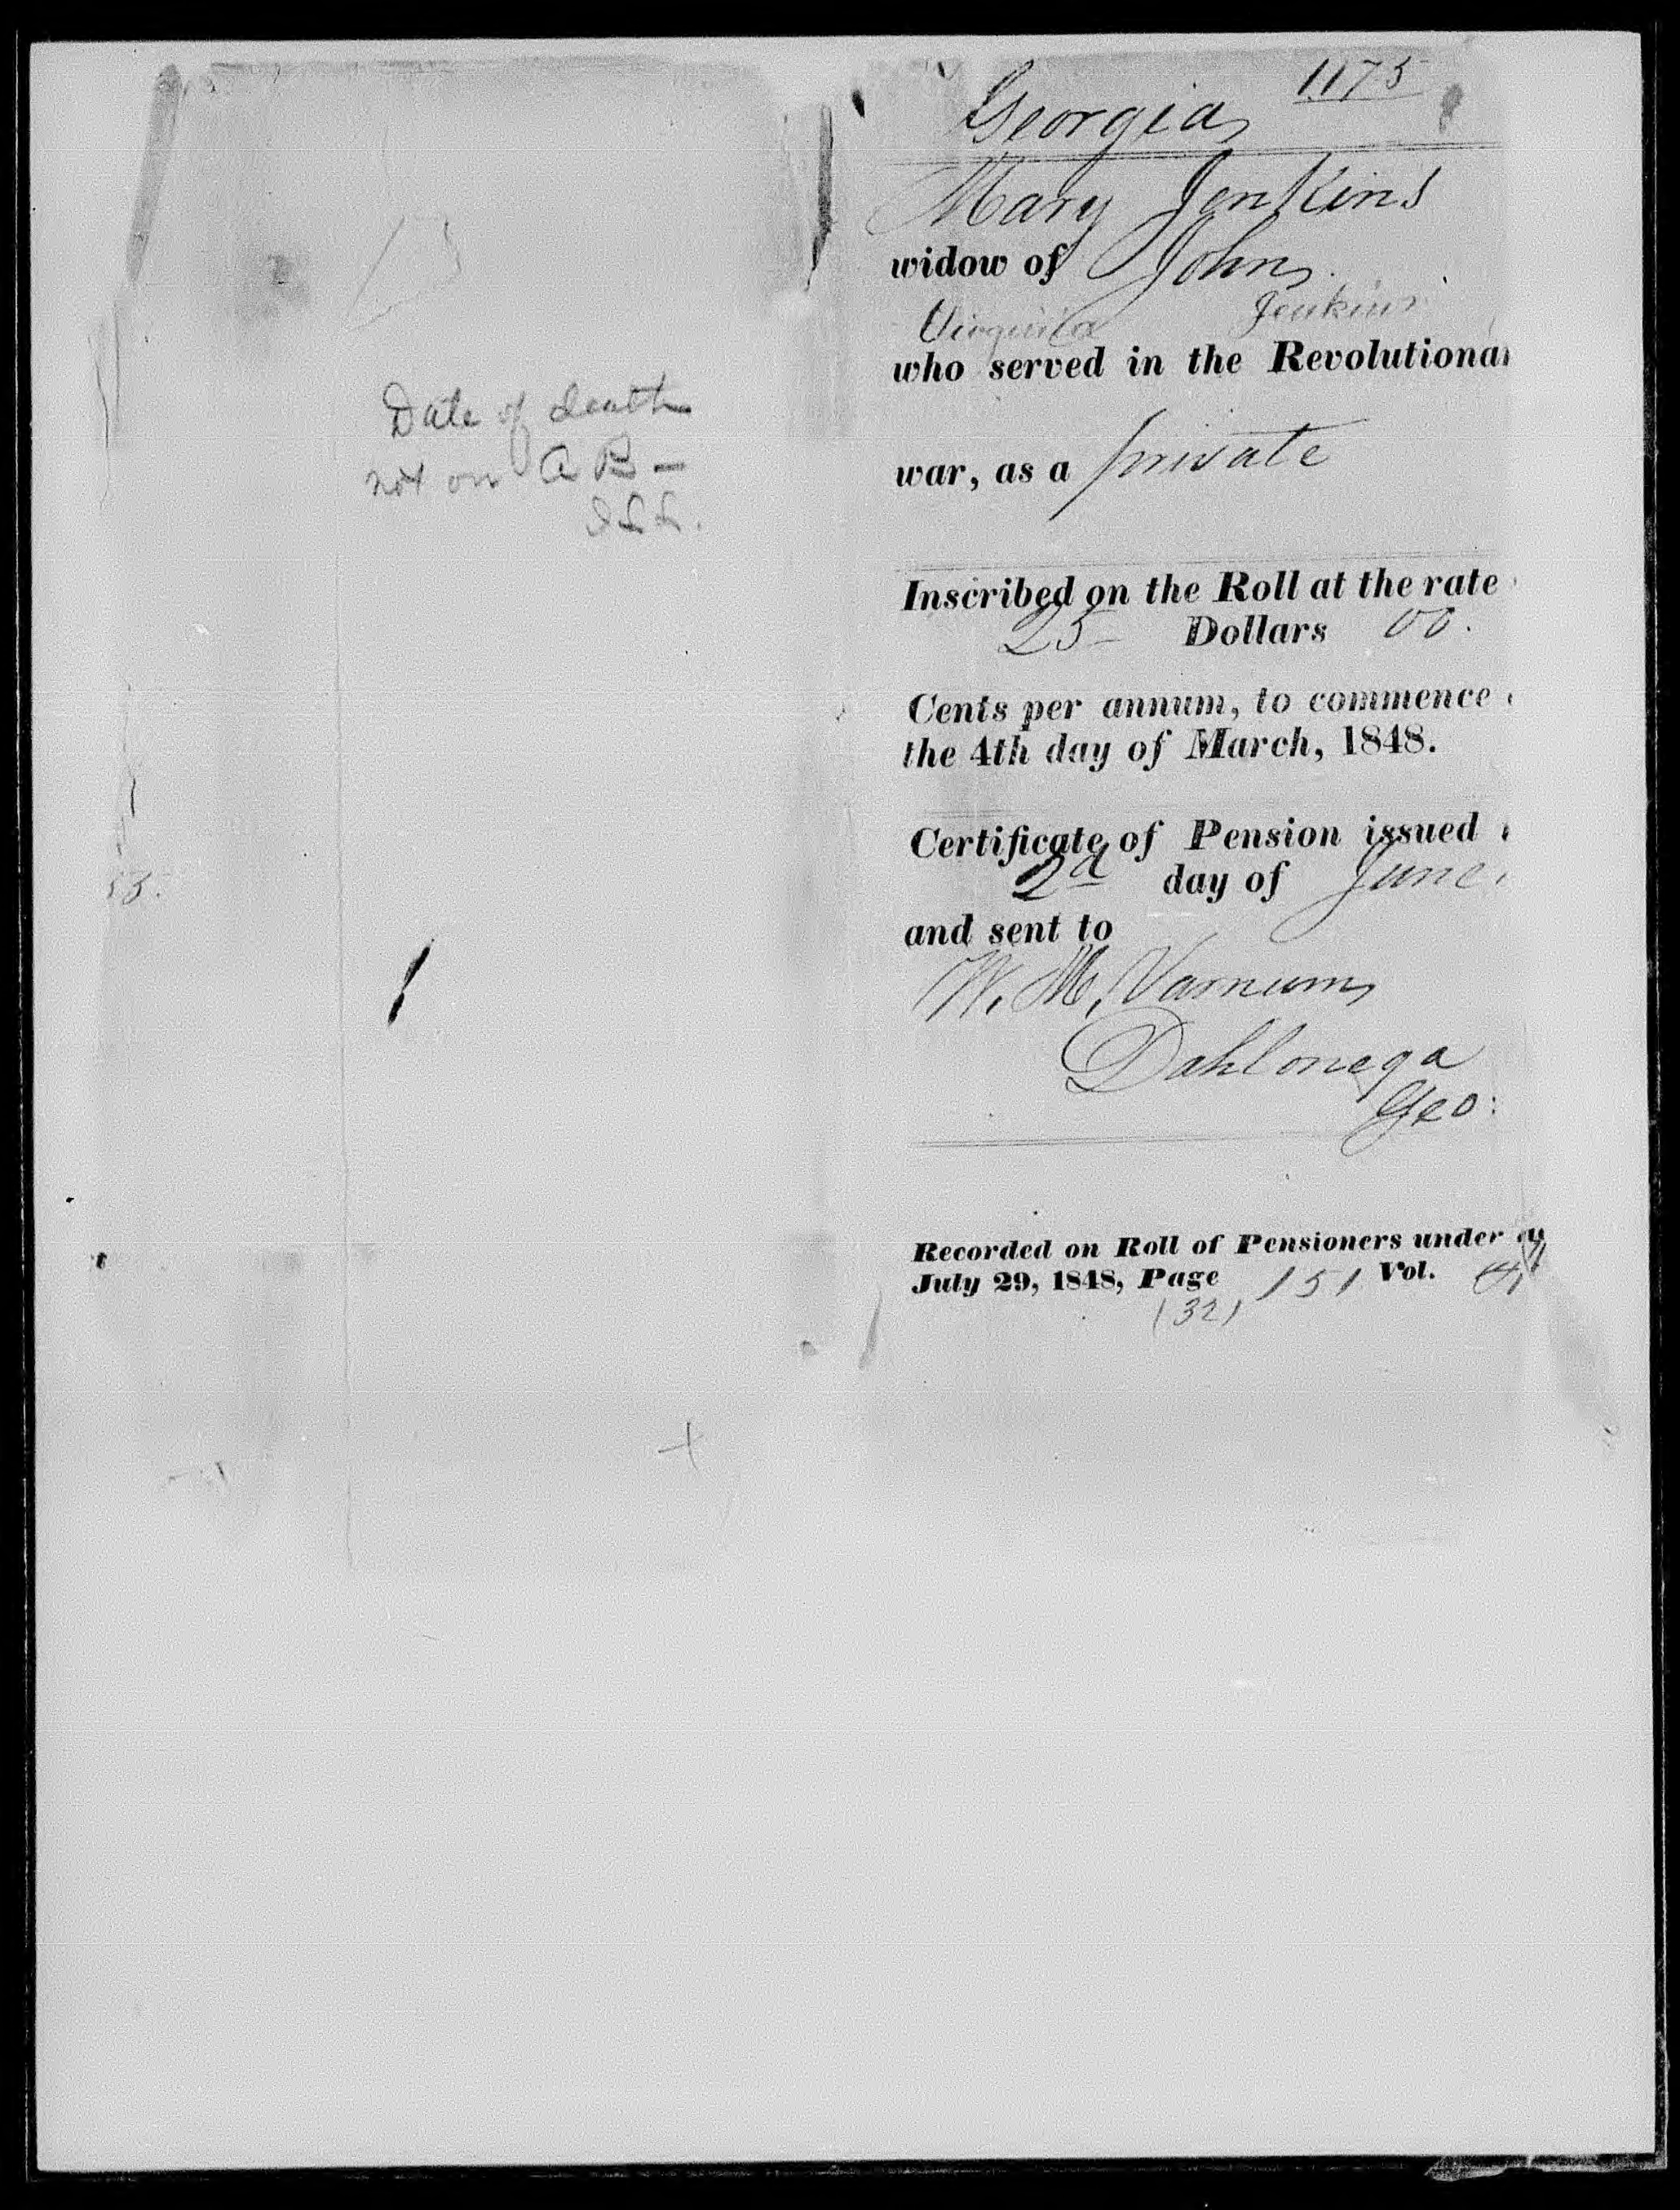Date of death
not on A B
JLL
[preprinted form with handwritten answers]
Georgia
1173
Mary Jenkins
widow of John Jenkins
Virgil 
who served in the Revolutiona
war, as a private
Inscribed on the Roll at the rate
25 Dollars 00
Cents per annum, to commence
the 4th day of March, 1848.
Certificate of Pension issued
2d day of June,
and sent to
W. M. Varnum
Dahlonega
Geo.
Recorded on Roll of Pensioners under
July 29, 1848, Page, 151 Vol. A
1321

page: 3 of 55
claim: widow's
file: W. 7894, for John Jenkins, Virginia